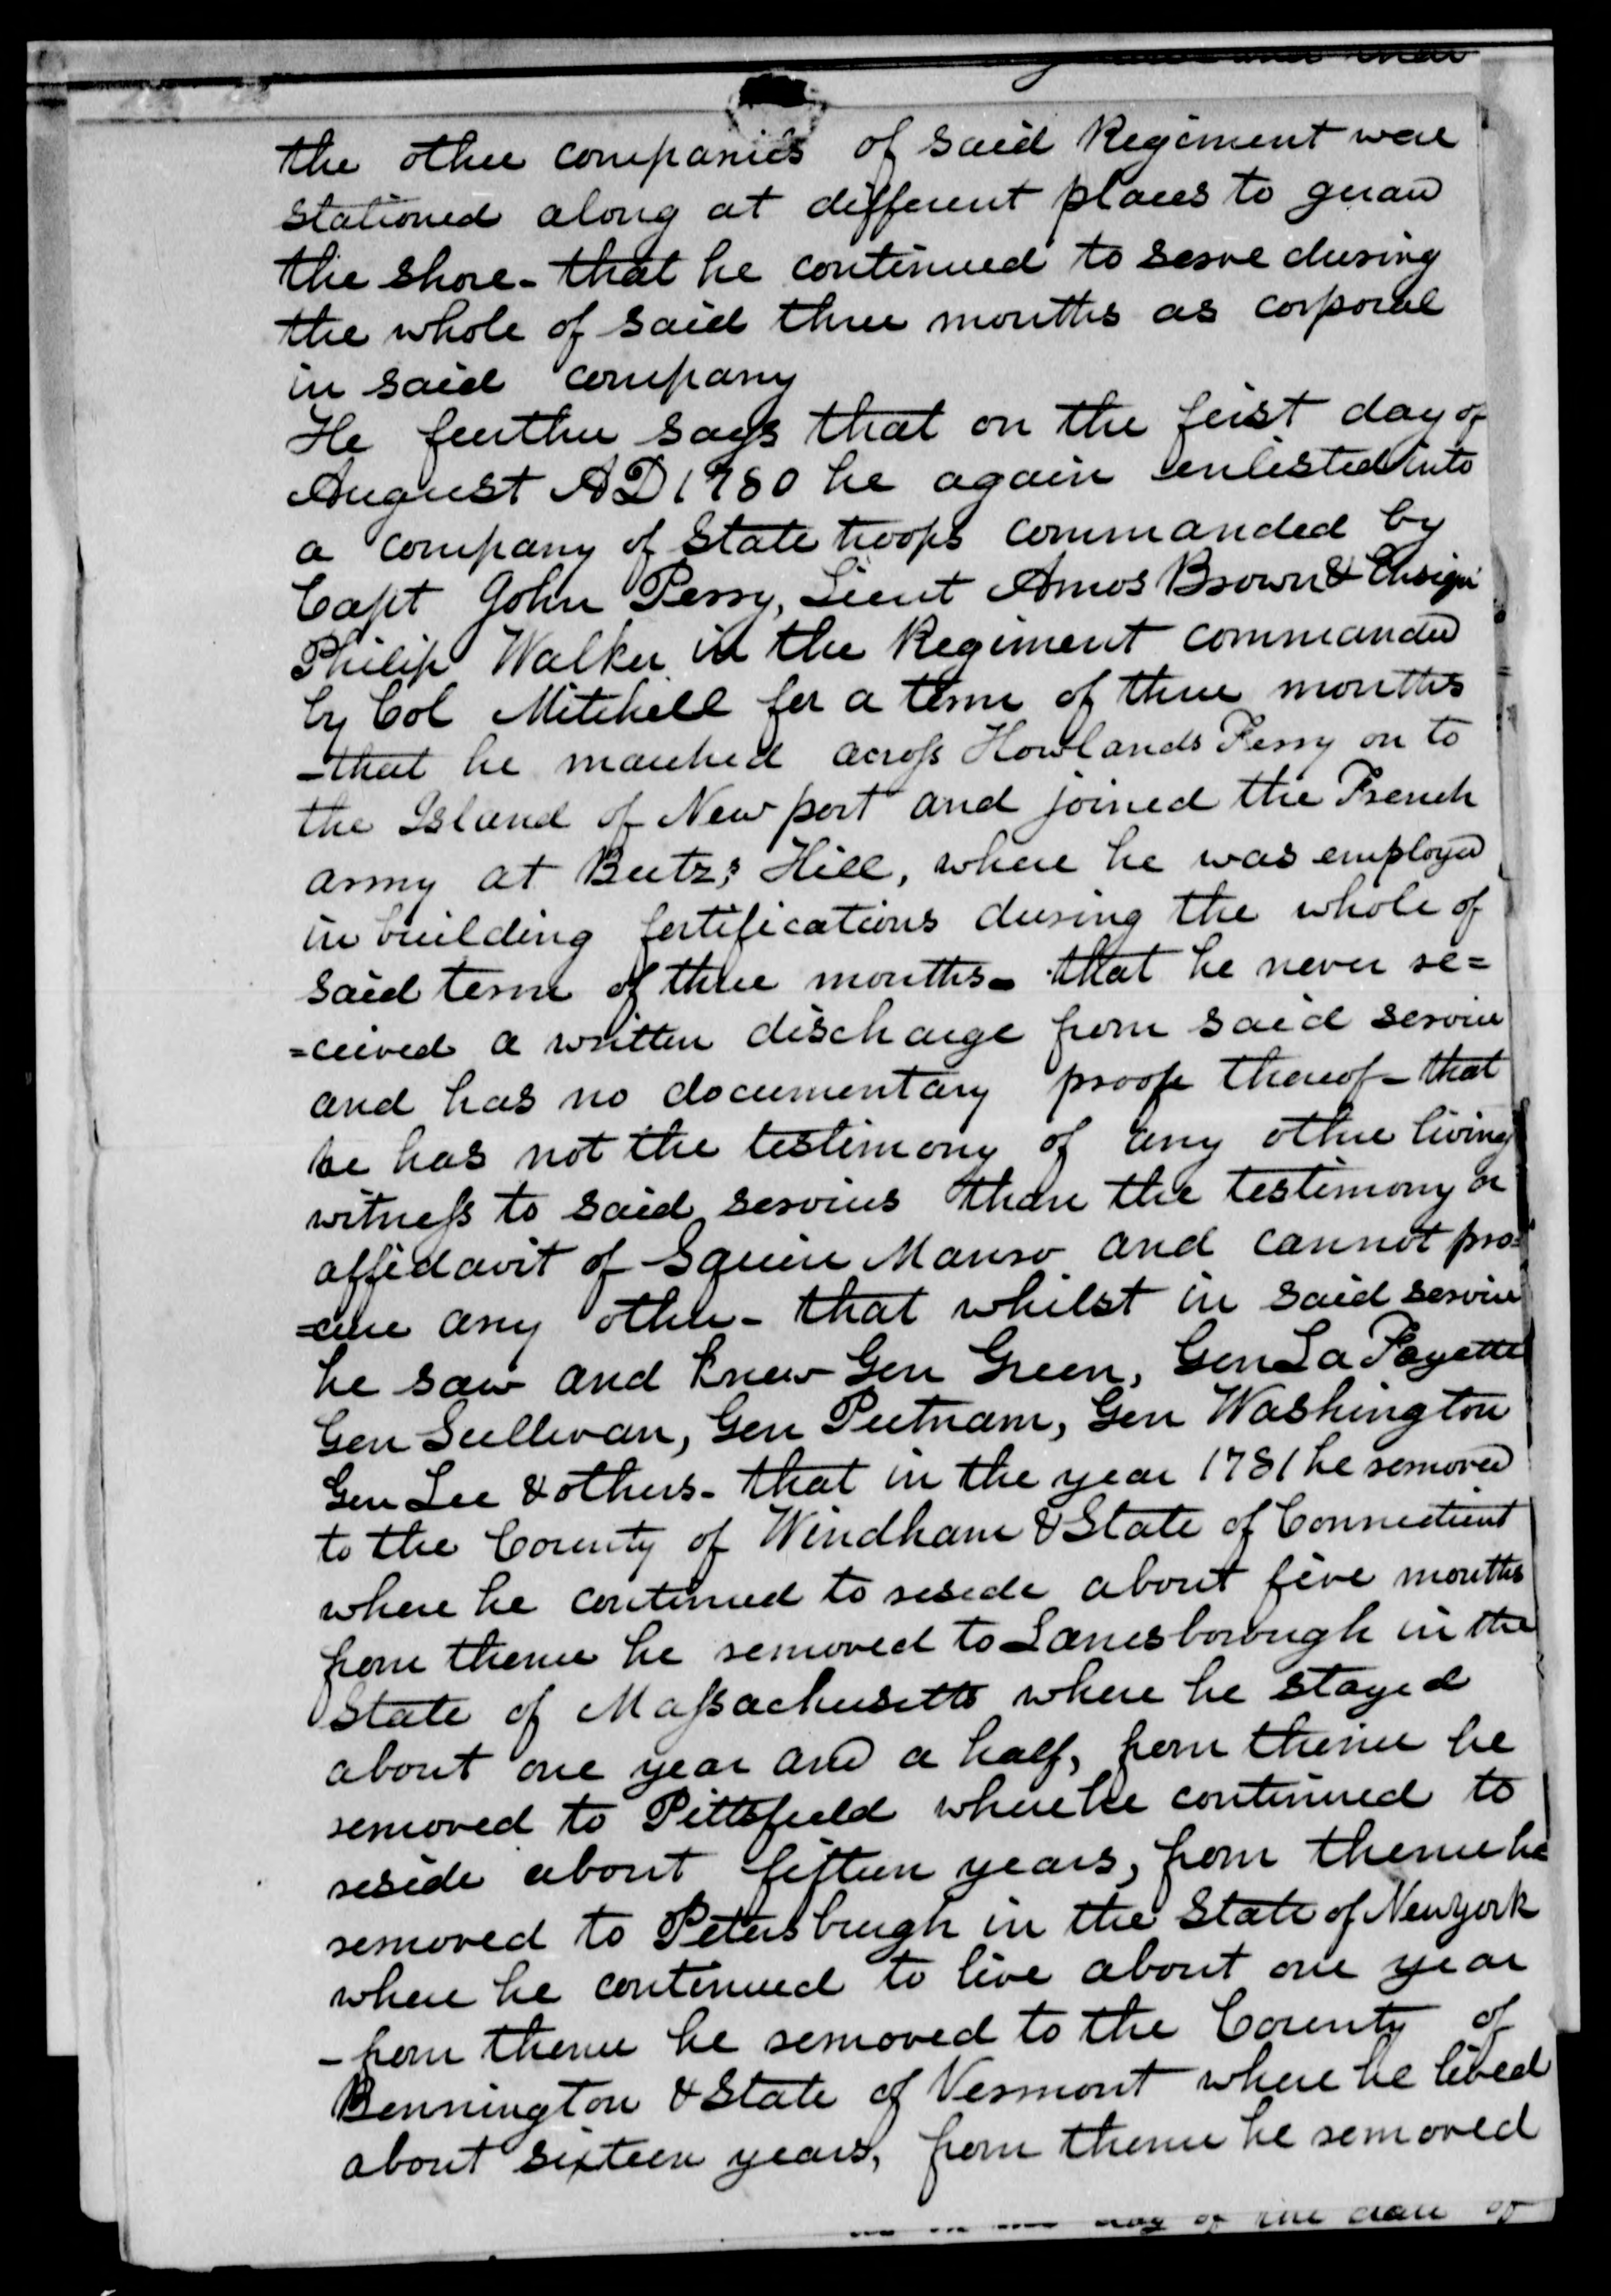the other companies of said Regiment were stationed along at different places to guard the shore. That he continued to serve during the whole of said three months as corporal in said company.
He further says that on the first day of August a. D. 1780 he again enlisted into a company of State troops commanded by Capt. John Perry,, Lieut. Amos Brown & Ensign Philip Walker in the Regiment commanded by Col. Mitchell for a term of three months. that he marched across Howland's Ferry on to the Island of New Port and joined the French army at Butz's Hill, where he was employed in building fortifications during the whole of said term of three months. that he never received a written discharge from said service and has no documentary proof thereof--that he has not the testimony of any other living witness to said services that the testimony or affidavit of Squire Manro and cannot procure any other--that whilst in said service he saw and knew Gen. Green, Gen. LaFayette, Ge. Sullivan, Gen. Putnam, Gen. Washington Gen. Lee & others. That in the year 1781 he removed to the County of Windham & State of Connecticut where he continued to reside about five months. From thence he removed to Lanesborough in the State of Massachusetts where he stayed about one year and a half, from then he removed to Pittsfield where he continued to reside about fifteen years, from thence he removed to Petersburgh in the State of New York where he continued to live about one year. From thence he removed to the County of Bennington & State of Vermont where he lived about sixteen years, from thence he removed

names: Squire Manro, Lee, John Perry, Green, La Fayette, Sullivan, Washington, Putnam, Philip Walker, Amos Brown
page: 10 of 98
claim: widow's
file: W. 1682, Valentine Wheeler, Mass.